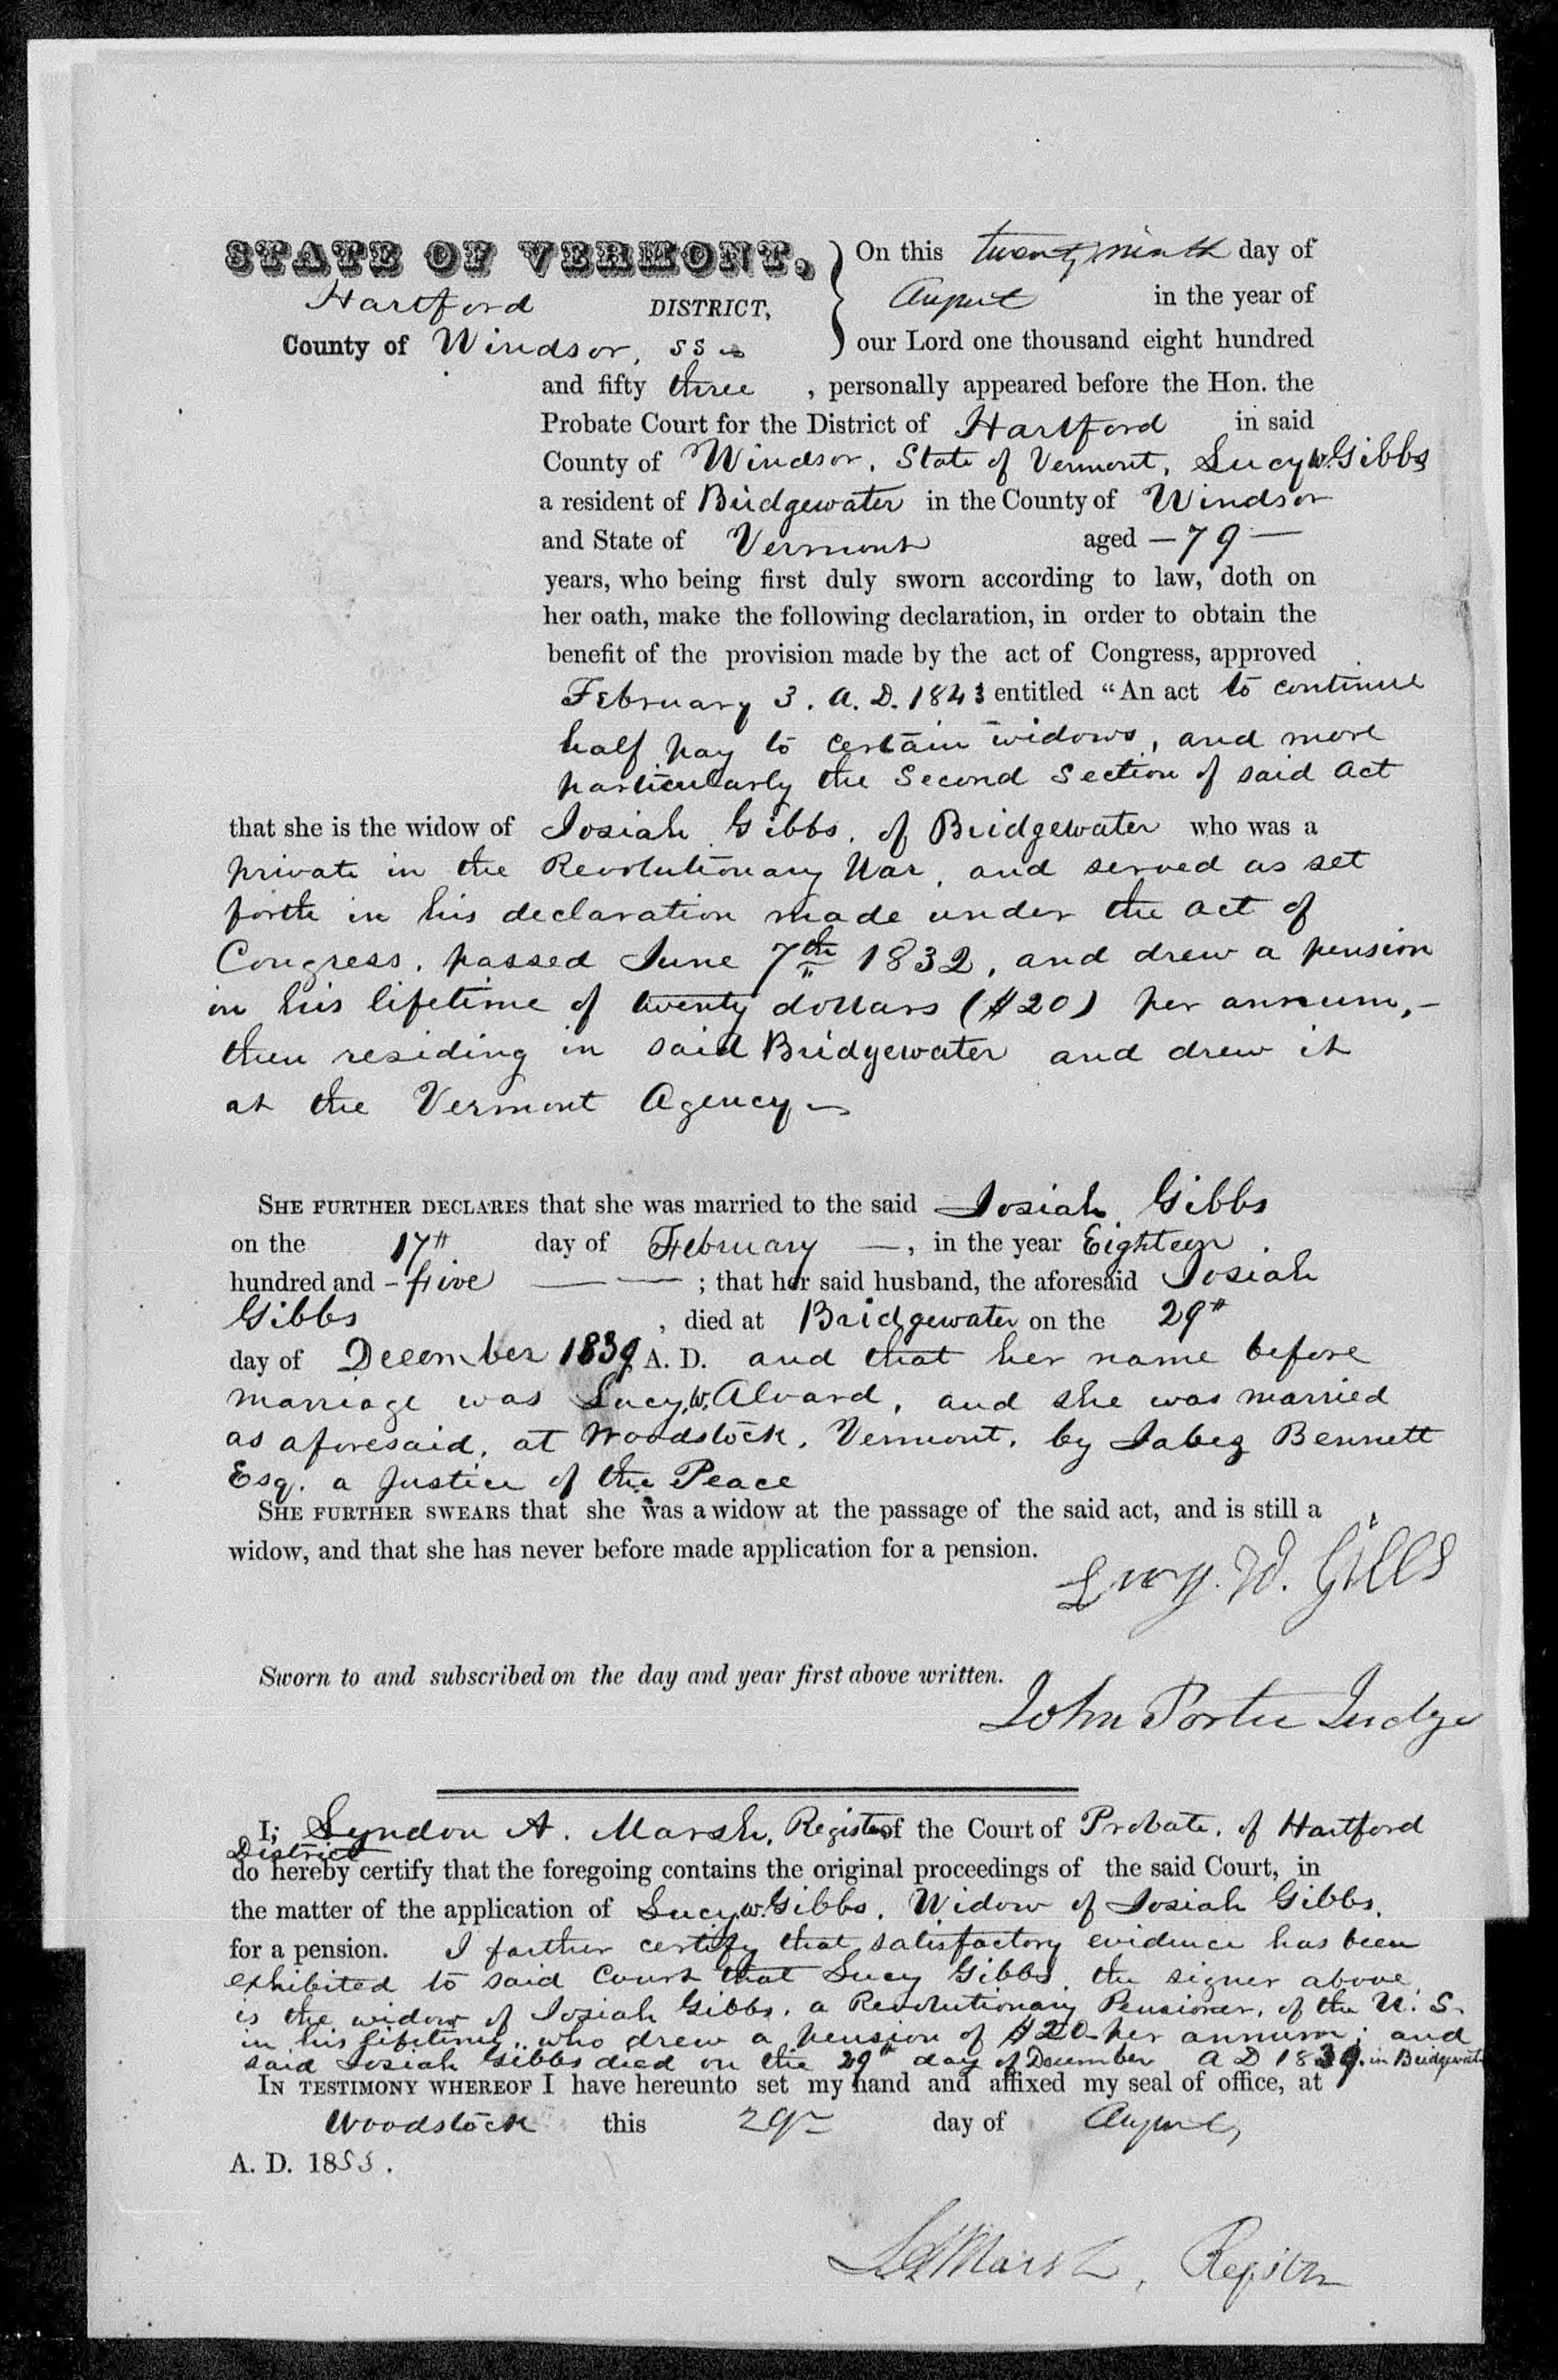STATE OF VERMONT,}
HARTFORD DISTRICT.}
County of Windsor, ss }
On this twenty ninth day of August in the year of our Lord one thousand eight hundred
and fifty three personally appeared before the Hon. the Probate Court for the District of Hartford in said County of Windsor, State of Vermont, Lucy W. Gibbs a resident of Bridgewater in the County of Windsor and State of Vermont aged 79 years, who being first duly sworn according to law, doth on
her oath, make the following declaration, in order to obtain the benefit of the provision made by the act of Congress, approved
February 3 A.D. 1843 entitled "An act to continue half pay to certain widows, and more
particularly the second section of said act
that she is the widow of Josiah Gibbs, of Bridgewater who was a private in the Revolutionary War, and served as set forth in his declaration made under the act of 
Congress, passed June 7th 1832, and drew a pension in his lifetime of twenty dollars ($20) per annum, then residing in said Bridgewater and drew it at the Vermont Agency -

SHE FURTHER DECLARE that she was married to the said Josiah Gibbs on the 17th day of February in the year eighteen hundred and five; that her said husband, the aforesaid Josiah Gibbs died at Bridgewater on the 29th
day of December 1839 A.D. and that her name before marriage was Lucy W. Alvard, and she was married as aforesaid, at Woodstock, Vermont, by Jabez Bennett Esq. a Justice of the Peace
SHE FURTHER SWEARS that she was a widow at the passage of the said act, and is still a
widow, and that she has never before made application for a pension.
Her 
Lucy W. Gibbs   X
Mark

Sworn to and subscribed on the day and year first above written.
John Porter   Judge
...........................................................
I, Lyndon A. Marsh, Register of the Court of Probate of Hartford do hereby certify that the foregoing contains the original proceedings of the said Court, in the matter of the application of Lucy W. Gibbs, Widow of Josiah Gibbs
for a pension. I further certify that satisfactory evidence has been exhibited to said Court that Lucy Gibbs, the signer above is the widow of Josiah Gibbs, a Revolutionary Pensioner of the U.S. in his lifetime, who drew a pension of $20.  per annum; and said Josiah Gibbs died on the 29th day of December AD 1839, in Bridgewater

IN TESTIMONY WHEREOF I have hereunto set my hand and affixed my seal of office, at
Woodstock this 29th day of August A. D. 1853.

L.A.Marsh,   Register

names: Jabez Bennett, L A Marsh, Lucy Gibbs, Josiah Gibbs, Josiah Gibbs, Josiah Gibbs, Lucy W Gibbs, Lucy W Gibbs, Josiah Gibbs, Lucy W Gibbs, Josiah Gibbs, Josiah Gibbs, Lyndon A Marsh, Lucy W Alvord, John Porter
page: 8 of 33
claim: widow's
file: W. 4681, Josiah Gibbs, Mass